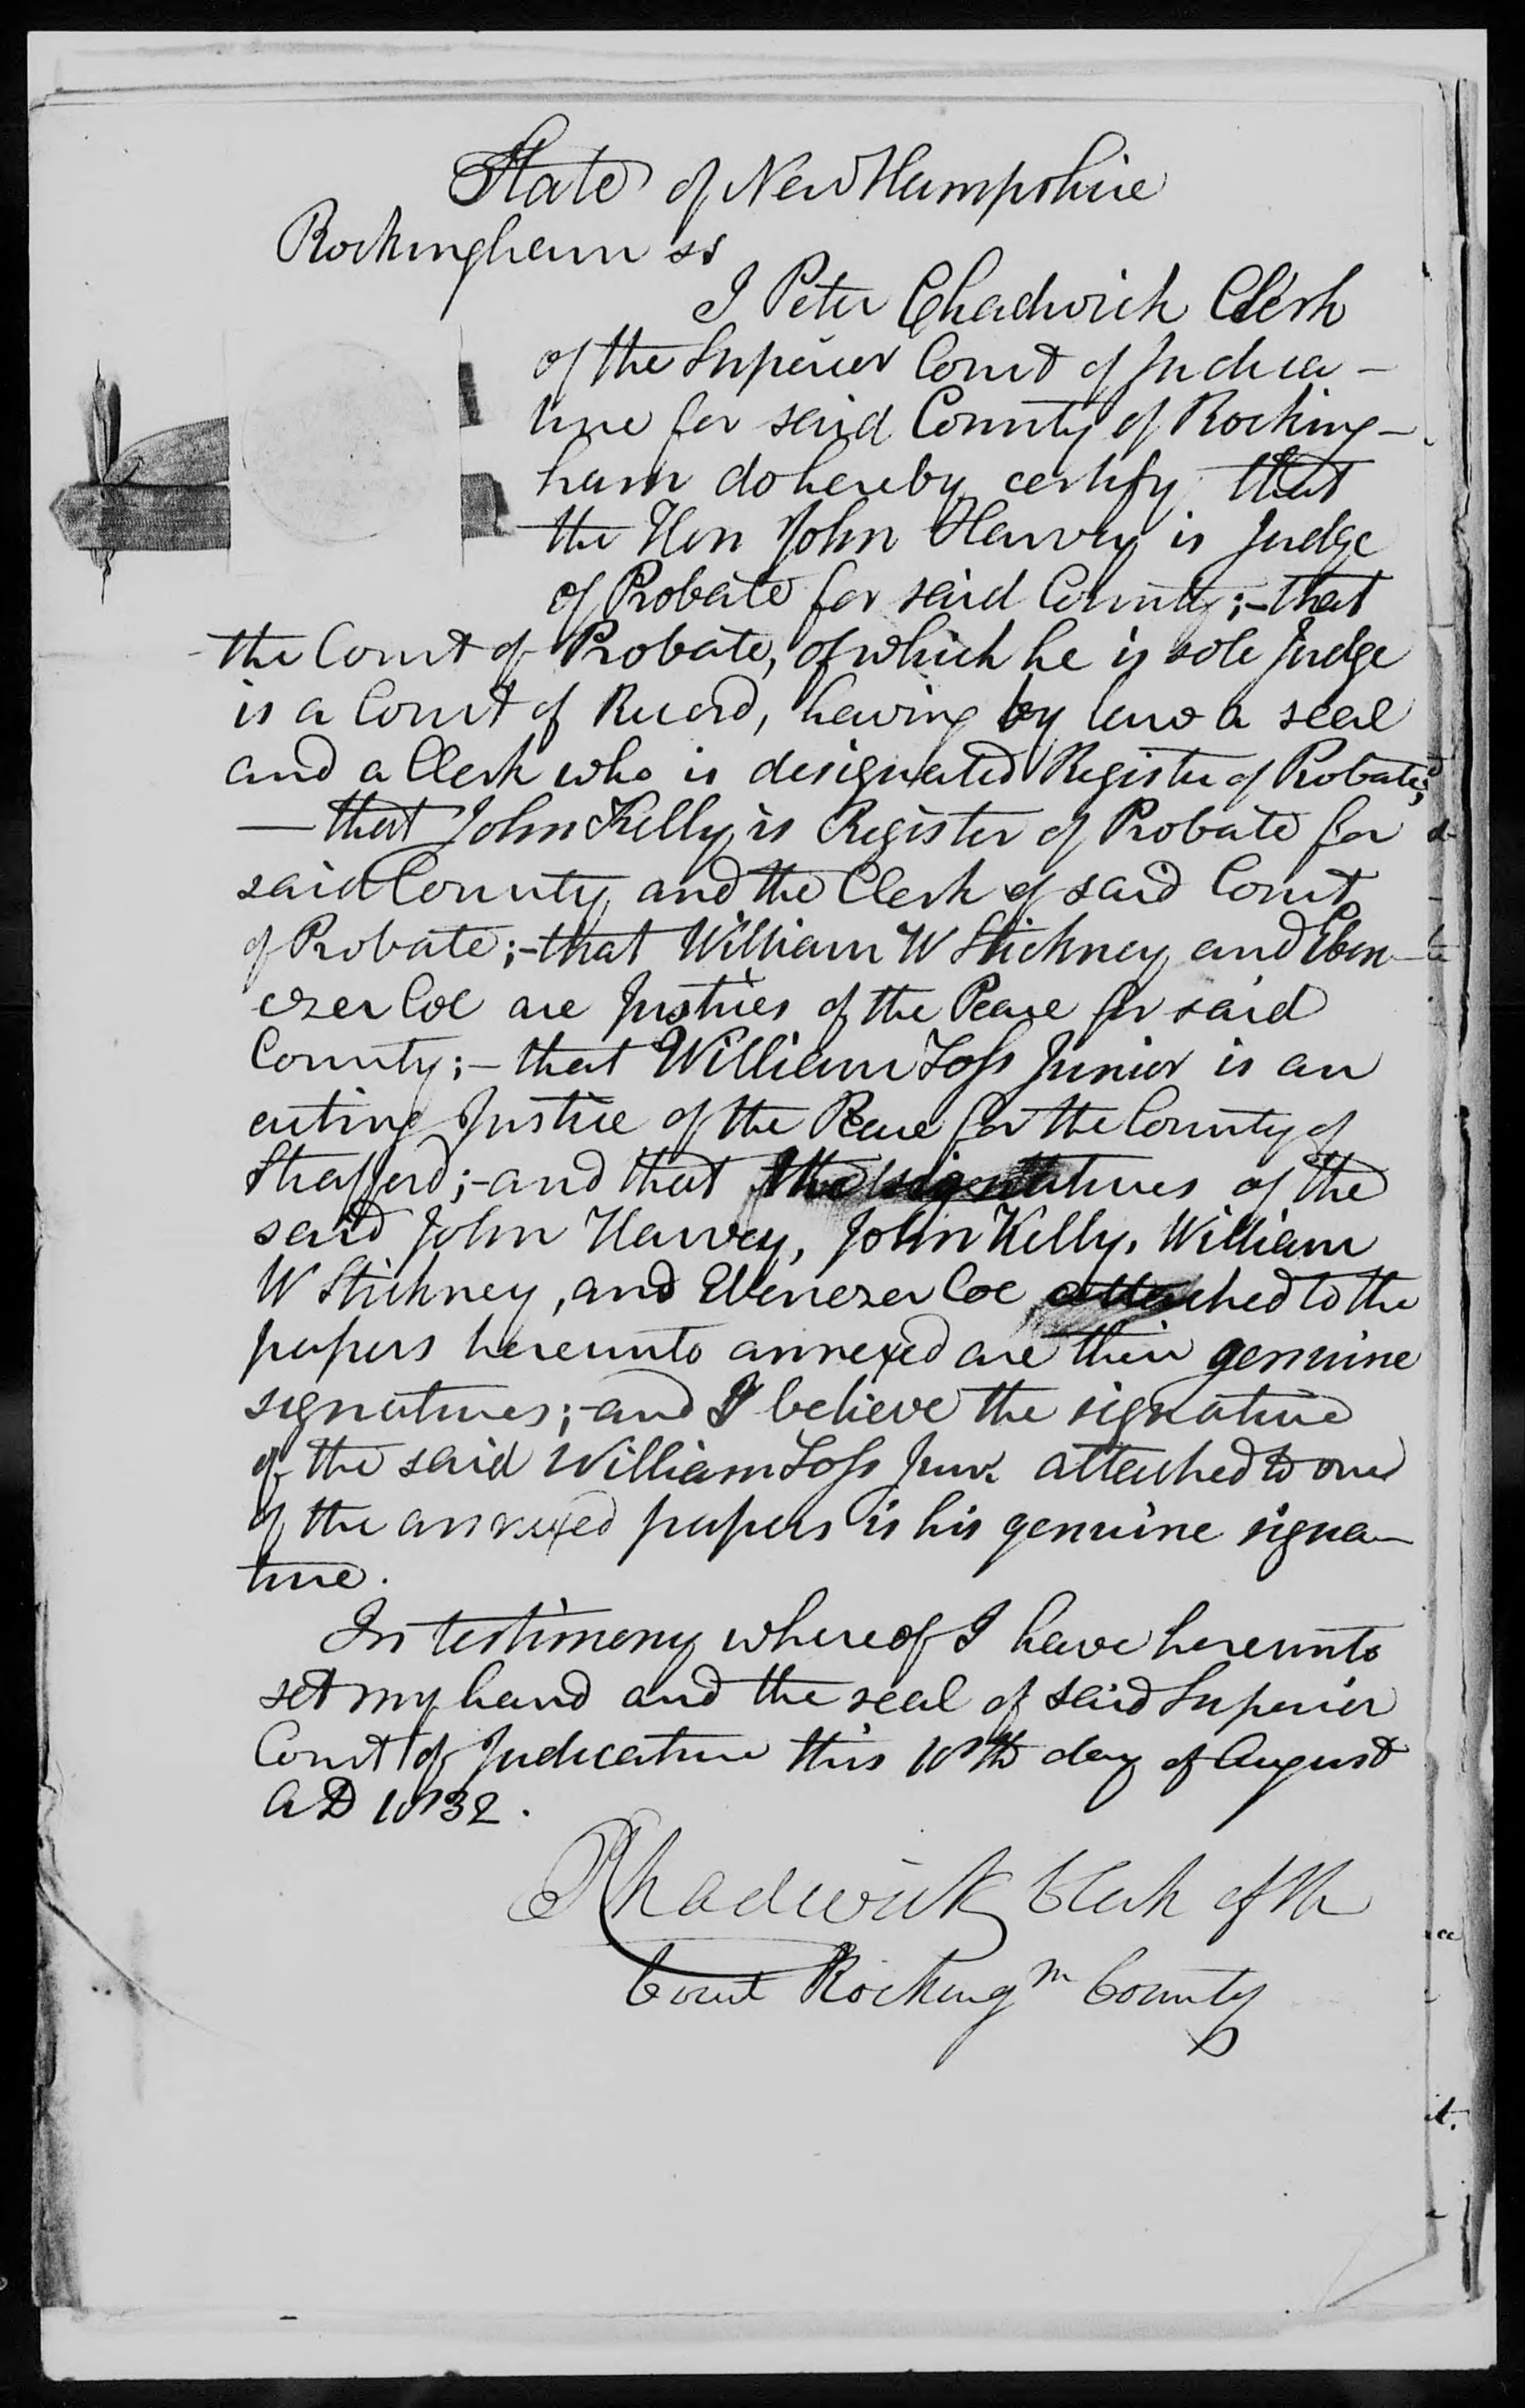State of New Hampshire
Rockingham SS
I Peter Chadwick Clerk of the Superior Court of Judicature for said County of Rockingham
do hereby certify that the Hon John Hervey is Judge of Probate for said County; that the
Court of Probate, of which he is sole Judge
is a Court of Record, having by law a seal
and a clerk who is designated Register of Probate; - that John Kelly is Register of Probate for said County, and the Clerk of said Court
of Probate; - that William W Stickney and Ebenezer Coe are Justices of the Peace for said
County; - that William Loss Junior is an
acting Justice of the Peace for the County of
Strafford; - and that the signatures of the
said John Harvey, John Kelly, William
W Stickney, and Ebenezer Coe attached to the
papers hereunto annexed are their genuine
signatures; - and I believe the signature of the said William Loss Jnr. attached to one of the
annexed papers is his genuine signature.
In testimony whereof I have hereunto set my hand and the seal of said Superior Court of Judicature this 10th day of August AD 1832.
P Chadwick Clerk of the Court Rockingm County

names: John Kelly, William W Stickney, Peter Chadwick, William W Stickney, P Chadwick, Ebenezer Coe, John Harvey, Ebenezer Coe, William Foss, John Harvey, William Foss, John Kelly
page: 34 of 43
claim: widow's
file: W. 21665, Ebenezer Bennett, N. H. Privateer.